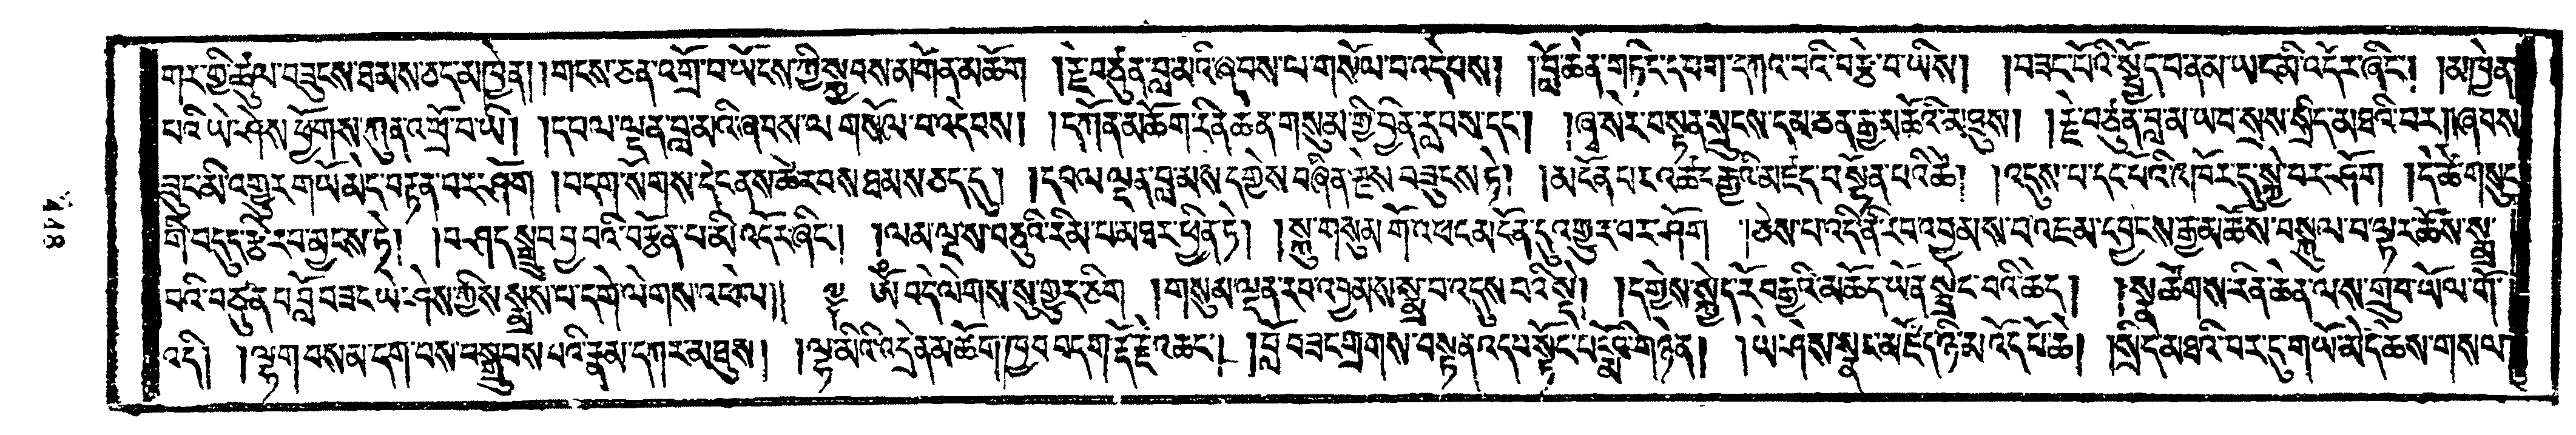གར་གྱི་ཚུལ་ཟུངས་ཐམས་ཅད་མཁྱེན། །གངས་ཅན་འགྲོ་བ་ཡོངས་ཀྱི་སྐྱབས་མགོན་མཆོག །རྗེ་བཙུན་བླ་མའི་ཞབས་ལ་གསོལ་བ་འདེབས། །བློ་ཆེན་གཏིང་དབག་དཀའ་བའི་བརྩེ་བ་ཡིས། །བཟང་པོའི་སྤྱོད་བ་ནམ་ཡང་མི་འདིར་ཞིང་། །མཁྱེན་
པའི་ཡེ་ཤེས་ཕྱོགས་ཀུན་འཕྲོ་བ་ཡི། །དཔལ་ལྡན་བླ་མའི་ཞབས་ལ་གསོལ་བ་འདེབས་།དཀོན་མཆོག་རིན་ཆེན་གསུམ་གྱི་བྱིན་རླབས་དང་། །ཞྭ་སེར་བསྟན་སྲུངས་དམ་ཅན་རྒྱ་མཚོའི་མཐུས། །རྗེ་བཙུན་བླ་མ་ཡབ་སྲས་སྲིད་མཐའི་བར། །ཞབས་
ཟུང་མི་འགྱུར་གཡོ་མེད་བརྟན་བར་ཤོག །བདག་སོགས་དེང་ནས་ཚེ་རབས་ཐམས་ཅད་དུ། །དཔལ་ལྡན་བླ་མས་དགྱེས་བཞིན་རྗེས་བཟུངས་ཏེ། །མངོན་པར་འཚང་རྒྱའི་མཛད་པ་སྟོན་པའི་ཚེ། །འདུས་པ་དང་པོའི་འཁོར་དུ་སྐྱེ་བར་ཤོག །དེ་ཚེ་གསུང་
གི་བདུད་རྩི་རབ་མྱངས་ཏེ། །བཤད་སྒྲུབ་བྱ་བའི་བརྩོན་པ་མི་འདོར་ཞིང་། །ལམ་ལྔས་བཅུའི་རིམ་པ་མཐར་ཕྱིན་ཏེ། །སྐུ་གསུམ་གོ་འཕང་མངོན་དུ་འགྱུར་བར་ཤོག །ཅེས་པ་འདི་ནི་རབ་འབྱམས་བ་འཇམ་དབྱངས་རྒྱ་མཚོས་བསྐུལ་བ་ལྟར་ཆོས་སྨྲ་
བའི་བཙུན་པ་བློ་བཟང་ཡེ་ཤེས་ཀྱིས་སྨྲས་པ་དགེ་ལེགས་འཕེལ།། ༈ཨོཾ་བདེ་ལེགས་སུ་གྱུར་ཅིག །གསུམ་ལྡན་རབ་འབྱམས་སྨྲ་བ་འདུས་བའི་སྡེ། །དགྱེས་སྐྱེད་རོ་བརྒྱའི་མཆོད་ཡོན་སྦྲེང་བའི་ཆེད། །སྣ་ཚོགས་རིན་ཆེན་ལས་གྲུབ་ཡོལ་གོ་
འདི། །ལྷག་བསམ་དག་བས་བསྒྲུབས་པའི་རྣམ་དཀར་མཐུས། །ལྷ་མིའི་འདྲེན་མཆོག་ཁྱབ་བདག་རྡོ་རྗེ་འཆང་། །བློ་བཟང་གྲགས་བསྟན་འདབ་སྟོང་པདམོའི་གཉེན། །ཡེ་ཤེས་སྣང་མཛོད་ཉི་མ་འོད་པོ་ཆེ། །སྲིད་མཐའི་བར་དུ་གཡོ་མེད་ཆེས་གསལ་